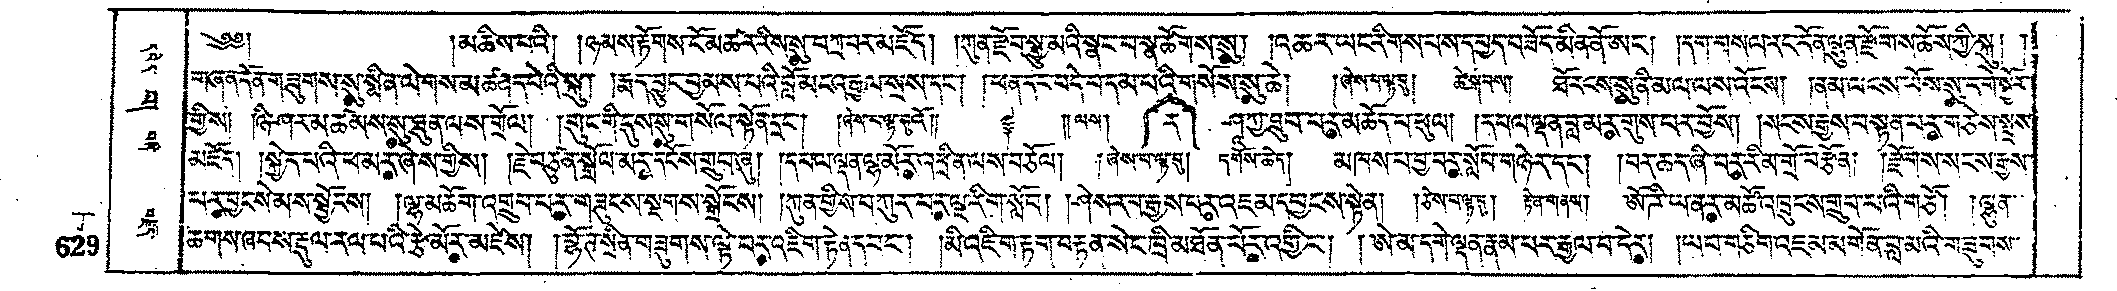༄༅། །མཆིས་པའི། །ཉམས་རྟོགས་ངོ་མཚར་རིས་སུ་བཀྲ་བར་མཛོད། །ཀུན་རྫོབ་སྒྱུ་མའི་སྣང་བ་སྣ་ཚོགས་སུ། །འཆར་ཡང་རིགས་པས་དཔྱད་བཟོད་མིན་ནོ་ཨང་། །དག་གསལ་རང་དོན་ལྷུན་རྫོགས་ཆོས་ཀྱི་སྐུ། །
གཞན་དོན་གཟུགས་སུ་སྨིན་ལེགས་མཚན་དཔེའི་སྐུ། །རྨད་བྱུང་བྱམས་པའི་བློ་མངའ་རྒྱལ་སྲས་དང་། །ཕན་དང་བདེ་བ་དམ་པའི་གསོས་སུ་ཆེ། །ཞེས་པ་ལྟ་བུ། ཆེ་སྐབས།  ཐོ་རངས་སུ་ནི་མལ་ལས་འོངས། །ནམ་ལངས་ཡོས་སུ་དགེ་སྦྱོར་
གྱིས། །ཉི་ཤར་མཚམས་སུ་ཐུན་ལས་གྲོལ། །གུང་གི་དུས་སུ་གསོལ་སྟོན་དྲང་། ཞེས་པ་ལྟ་བུའོ།། འ་།། ལས་༼ར༽ ཤཱ་ཀྱ་ཐུབ་པར་མཆོད་པ་ཕུལ། །དཔལ་ལྡན་བླ་མར་གུས་པར་བྱོས། །སངས་རྒྱས་བསྟན་པར་གཅེས་སྤྲས་
མཛོད། །སྐྱེད་པའི་ཕ་མར་ཞེས་གྱིས། །རྗེ་བཙུན་སྒྲོལ་མར་དངོས་གྲུབ་ཞུ། །དཔལ་ལྡན་ལྷ་མོར་འཕྲིན་ལས་བཅོལ། །ཞེས་པ་ལྟ་བུ། དགོས་ཆེད།  མཁས་པ་བྱ་བར་སློབ་གཉེར་དང་། །བར་ཆད་ཞི་བར་རིམ་གྲོ་བརྩོན། །རྫོགས་སངས་རྒྱས་
པར་བྱང་སེམས་སྦྱོངས། །ལྷ་མཆོག་འགྲུབ་པར་གཟུངས་སྔགས་སྒྲོངས། །ཀུན་གྱིས་བཀུར་བར་ལྔ་རིག་སློབ། །ཤེས་རབ་རྒྱས་པར་འཇམ་དབྱངས་སྟེན། །ཅེས་པ་ལྟ་བུ། རྟེན་གནས།  ཨོ་ཌི་ཡ་ནར་མཚོ་འཁྲུངས་གྲུབ་པའི་གཙོ། །ལྷུན་་་
ཆགས་ཞབས་རྡུལ་རལ་པའི་རྩེ་མོར་མཛེས། །བྷོ་ཊ་སྲིན་གཟུགས་ལྟེ་བར་འཇིག་རྟེན་དབང་། །མི་འཇིག་རྟག་བརྟན་སེང་ཁྲི་མཐོན་པོར་འགྱིང་། །ཨེ་མ་དགེ་ལྡན་རྣམ་པར་རྒྱལ་བ་དེར། །ཡབ་གཅིག་འཇམ་མགོན་བླ་མའི་གཟུགས་་་